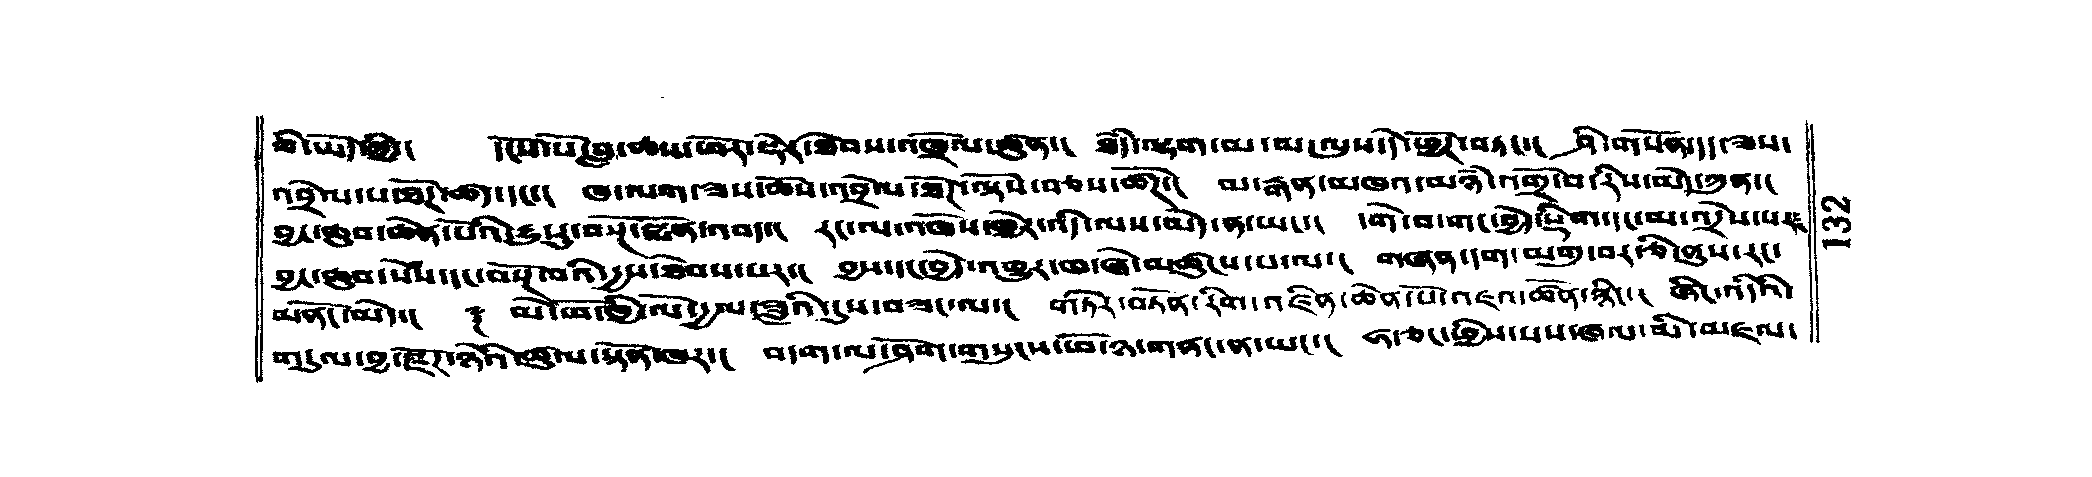ཅི་ཡོད་ཀྱི། །དངོས་པོ་བླ་ཆས་ཕོར་སྡེར་ཐེབས་འཁྲོལ་ཚུན། །ཐམས་ཅད་ལྷག་མ་མ་ལུས་དེ་ཕྱོགས་བཏང་། །ཤི་གསོན་དད་ཟས་
འབྲེལ་པ་ཐོགས་ཚད་དང་། །ཁ་ལག་ཟས་ཆོས་འབྲེལ་ཐོགས་ལྟོས་བཅས་ཚོགས། །མ་རྒན་མཁའ་མཉམ་འགྲོ་བ་རིས་མེད་ཀུན། །
བྱང་ཆུབ་ཆེན་པོའི་རྒྱུ་རུ་བསྔོ་སྨོན་འབད། །རང་ལ་འཁོས་ཁྱེར་འདི་ལས་མེད་ན་ཡང་། །དགེ་བ་གང་བྱེད་སྡིག་དང་མ་འདྲེས་པར། །
བྱང་ཆུབ་སེམས་དང་བསྔོ་བའི་རྒྱས་ཐེབས་པར། །བྱས་དང་བྱེད་འགྱུར་ཁ་ཞེ་མཚུངས་པ་ལ། །གཞན་དག་མགུ་བར་ཅི་ནུས་རང་
མནོང་མེད། །མེ་ཕོ་ཁྱི་ལོ་རྒྱལ་ཟླའི་དུས་བཟང་ལ། །གཏེར་སྟོན་རིག་འཛིན་ཆེན་པོ་འཇའ་ཚོན་སྙིང་། །ཞིང་འདིའི་
གདུལ་བྱ་རྫོགས་ཉེའི་ཚུལ་སྟོན་ཁར། །བདག་ལ་ཤོག་གསུངས་ཕོ་ཉ་གནང་ན་ཡང་། །ཧ་ཅང་ཕྱིས་པས་ཞལ་མི་མཇལ་